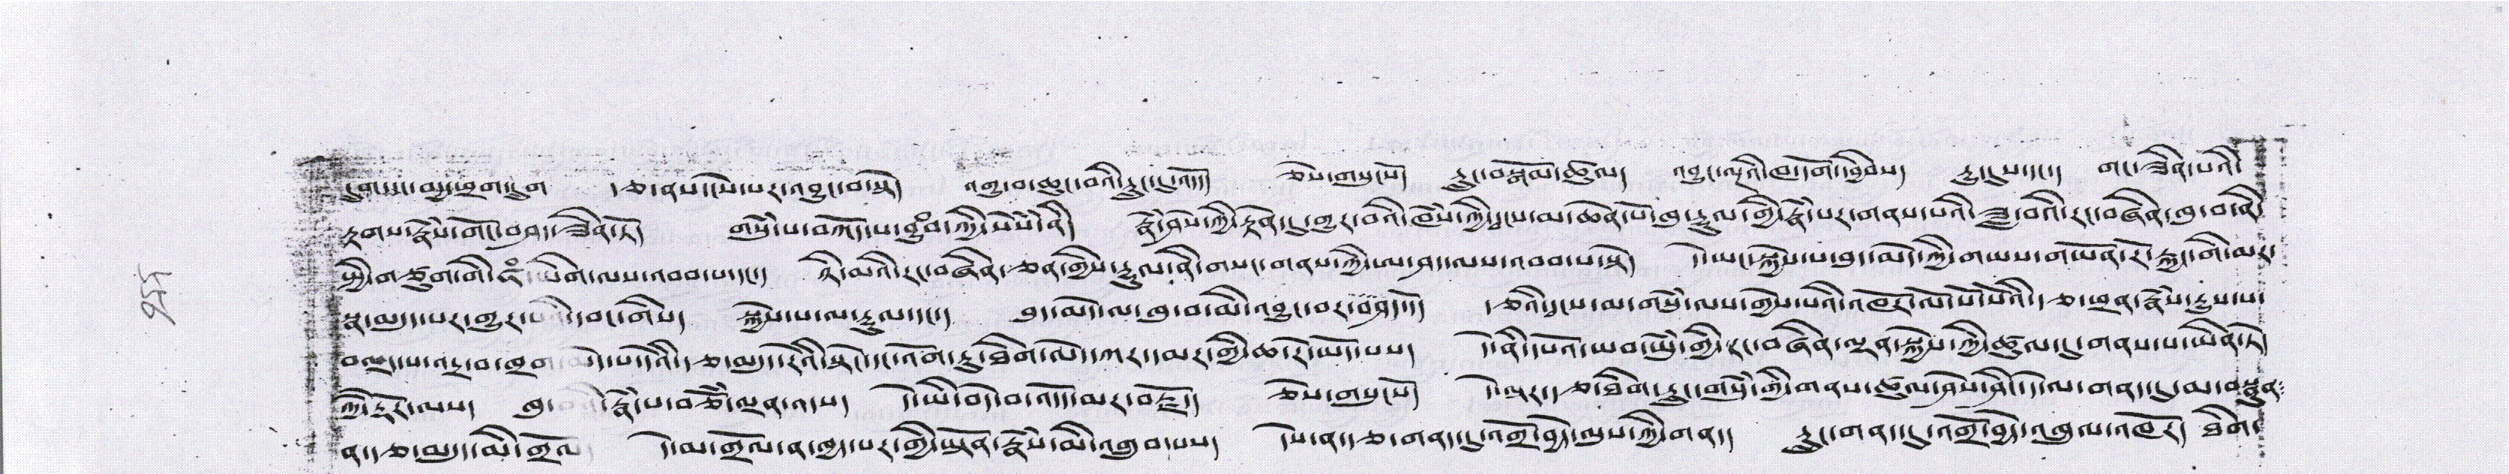དྲུག་དང་བརྒྱ་ཕྲག་དྲུག རྩ་ནས་ངེས་པར་འབྱུང་བ་སྟེ། འགྱུ་བ་ཆུང་བའི་རླུང་དུ་འདོད། ཅེས་གསུངས་སོ། རླུང་བསྒོམ་ཚུལ། འབྱུང་ལྔའི་ཁ་དོག་དབྱིབས། རྒྱུ་དུས། གང་ཟིན་པའི་
རྟགས་རྣམས་གོང་དུ་བཤད་ཟིན་ཏོ། །གསུམ་པ་བཀོད་པ་བྱང་ཆུབ་ཀྱི་སེམས་ནི། རྣམ་ཤེས་ཀྱི་རྟེན་དུ་གྱུར་པའི་ཁམས་ཀྱི་དངས་མ་ཆེན་པོ་ཁུ་རྡུལ་གྱི་རྣམ་པར་གནས་པའི་ཟླ་བའི་རང་བཞིན་ཁུ་བ་ནི་
སྤྱི་གཙུག་གི་ཧཾ་ཡིག་ལས་འབབ་པ་དང་། ཉིོ་མའི་རང་བཞིན་ཅན་གྱི་རྡུལ་ནི་གསང་གནས་ཀྱི་ཨ་ཤད་ལས་འབབ་པ་སྟེ། དེ་ཡང་སྐྱེས་པ་བུད་མེད་ཀྱི་གཡས་གཡོན་རོ་རྐྱང་གི་མར་
སྣ་མདུད་པར་གྱུར་པའི་དབང་གིས། སྐྱེས་པ་ལ་རྡུལ་དང་། བུད་མེད་ལ་ཁུ་བ་མི་འབྱུང་བར་བཤད་དོ། རྩའི་དྭངས་མ་གསུམ་ལས་གྱེས་པའི་འཁོར་ལོ་སོ་སོའི་རྩ་ཕྲན་རྣམས་རྒྱུས་པ་
བལྡད་པ་འདྲ་བ་ཁྲག་མེད་པ་དེའི་རྩ་མདུད་རེའི་སྟེང་དང་འོག་ཏུ་ཐིག་ལེ་དཀར་དམར་གྱི་ཆ་རེ་ཡོད་པས། དེ་ནི་དཔའ་བོ་ཡབ་ཡུམ་གྱི་རང་བཞིན་ལྷན་སྐྱེས་ཀྱི་ཚུལ་དུ་གནས་པ་ཡིན་ཏེ། 
ཀྱེ་རྡོར་ལས། ཁུ་བའི་རྣམ་པ་བཅོམ་ལྡན་འདས། དེ་ཡི་བདེ་བ་འདོད་མར་བརྗོད། ཅེས་གསུངས་སོ། དེ་ལྟར་རྩ་ཐིག་རླུང་གསུམ་གྱི་གནས་ཚུལ་ཤེས་ཤིང་དེ་ལ་གནད་དུ་མ་བསྣུན་
ན་རྩ་མདུད་མི་གྲོལ། དེ་མ་གྲོལ་ན་ཁྱད་པར་གྱི་ཡོན་ཏན་རྣམས་མི་འགྲུབ་པས། དེས་ན་རྩ་གནད་དུ་འགྲོ་བྱེད་ལུས་ཀྱི་གནད། རླུང་གནད་དུ་འགྲོ་བྱེད་འཁྲུལ་འཁོར། ཐིག་